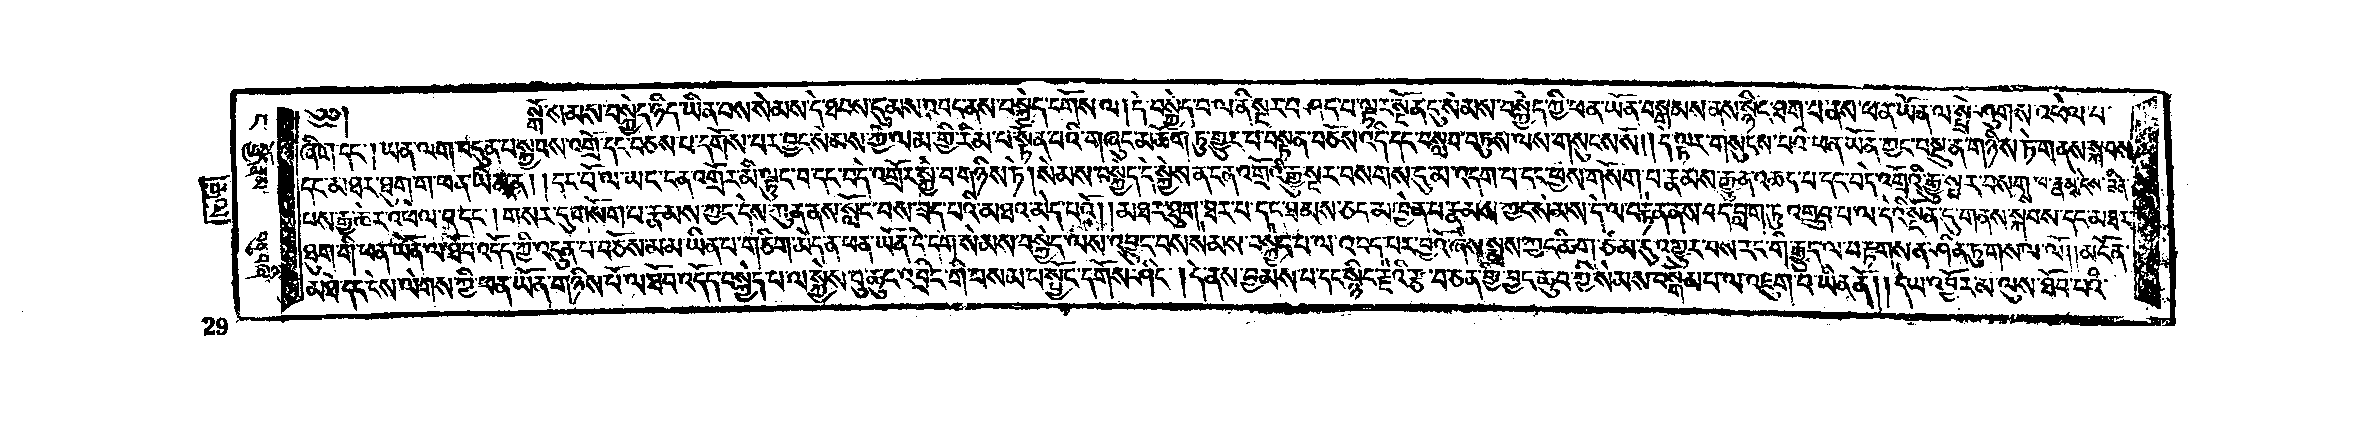༄༅། །སྒོ་སེམས་བསྐྱེད་ཉིད་ཡིན་པས་སེམས་དེ་ཐབས་དུ་མས་འབད་ནས་བསྐྱེད་དགོས་ལ། དེ་བསྐྱེད་པ་ལ་ནི་སྔར་བཤད་པ་ལྟར་སྔོན་དུ་སེམས་བསྐྱེད་ཀྱི་ཕན་ཡོན་བསྒོམས་ནས་སྙིང་ཐག་པ་ནས་ཕན་ཡོན་ལ་སྤྲེ་ཤུགས་འཕེལ་བ་
ཞིག་དང་། ཡན་ལག་བདུན་པ་སྐྱབས་འགྲོ་དང་བཅས་པ་དགོས་པར་བྱང་སེམས་ཀྱི་ལམ་གྱི་རིམ་པ་སྟོན་པའི་གཞུང་མཆོག་ཏུ་གྱུར་པ་བསྟན་བཅོས་འདི་དང་བསླབ་བཏུས་ལས་གསུངས་སོ། །དེ་ལྟར་གསུངས་པའི་ཕན་ཡོན་ཀྱང་བསྡུ་ན་གཉིས་ཏེ་གནས་སྐབས་
དང་མཐར་ཐུག་ག་ཕན་ཡིན་ན། །དང་པོ་ལ་ཡང་ངན་འགྲོར་མི་ལྟུང་བ་དང་བདེ་འགྲོར་སྐྱེ་བ་གཉིས་ཏེ། སེམས་བསྐྱེད་དེ་སྐྱེས་ན་ངན་འགྲོའི་རྒྱུ་སྔར་བསགས་དུ་མ་འདགས་པ་དང་ཕྱིས་གསོག་པ་རྣམས་རྒྱུན་འཆད་པ་དང་བདེ་འགྲོའི་རྒྱུ་སྤང་བསགས་པ་རྣམས་ངེས་ཟིན་
པས་རྒྱུ་ཆེར་འཕེལ་བ་དང་། གསར་དུ་གསོག་པ་རྣམས་ཀྱང་དེས་ཀུན་ནས་སློང་བས་ཟད་པའི་མཐའ་མེད་པའོ། །མཐར་ཐུག་ཐར་པ་དང་ཐམས་ཅད་མཁྱེན་པ་རྣམས་ཀྱང་སེམས་དེ་ལ་བརྟེན་ནས་བདེ་བླག་ཏུ་འགྲུབ་པ་ལ་དེའི་སྔོན་དུ་གནས་སྐབས་དང་མཐར་
ཐུག་གི་ཕན་ཡོན་ལ་ཐོབ་འདོད་ཀྱི་འདུན་པ་བཅོས་མ་མ་ཡིན་པ་གཅིག་མེད་ན་ཕན་ཡོན་དེ་དག་སེམས་བསྐྱེད་ལས་འབྱུང་བས་སེམས་བསྐྱེད་པ་ལ་འབད་པར་བྱའོ་ཞེས་སྨྲས་ཀྱང་ཚིགས་ཙམ་དུ་འགྱུར་བས་རང་གི་རྒྱུད་ལ་བརྟགས་ན་ཤིན་ཏུ་གསལ་ལོ། །མངོན་
མཐོ་དང་ངེས་ལེགས་ཀྱི་ཕན་ཡོན་གཉིས་པོ་ལ་ཐོབ་འདོད་བསྐྱེད་པ་ལ་སྐྱེས་བུ་ཆུང་འབྲིང་གི་བསམ་པ་སྦྱོང་དགོས་ཤིང་། དེ་ནས་བྱམས་པ་དང་སྙིང་རྗེའི་རྩ་བ་ཅན་གྱི་བྱང་ཆུབ་ཀྱི་སེམས་བསྒོམ་པ་ལ་འཇུག་པ་ཡིན་ནོ། །དེ་ཡི་འབྱོར་མ་ལུས་ཐོབ་པའི་